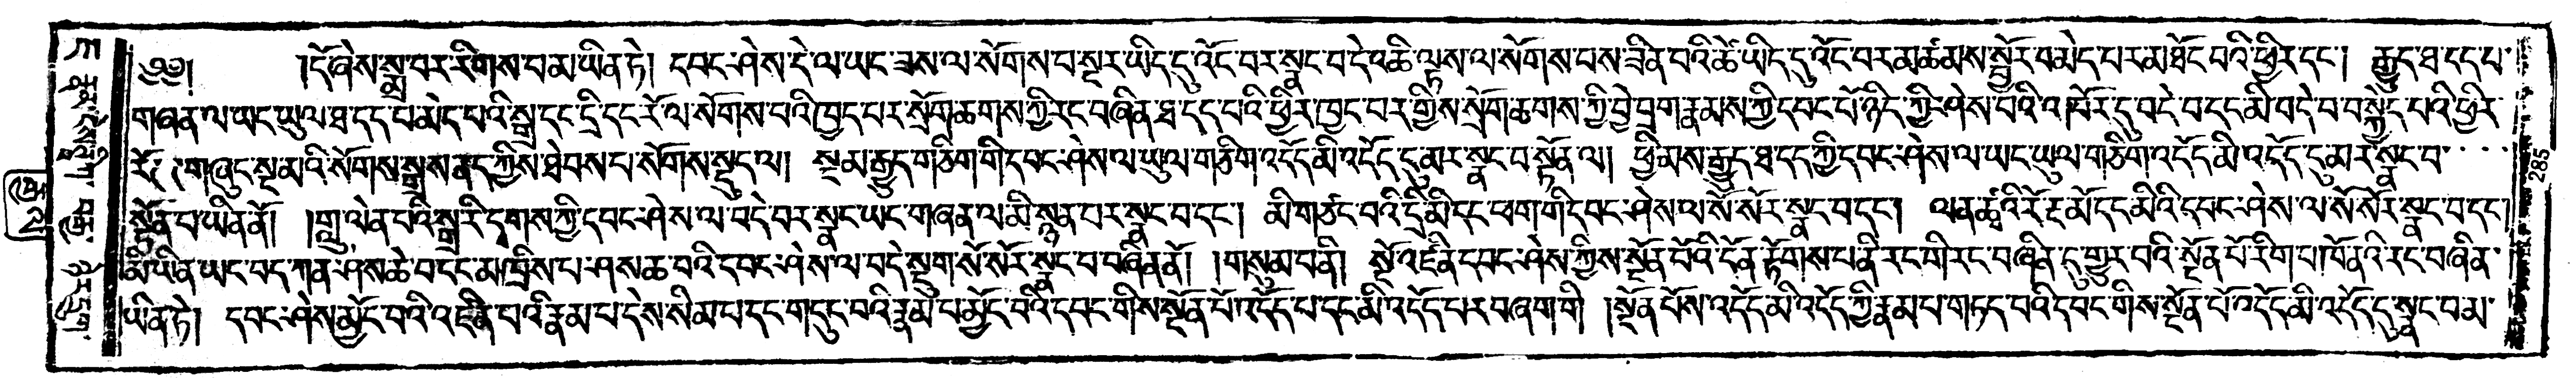༄༅། །དོ་ཞེས་སྨྲ་བར་རིགས་པ་མ་ཡིན་ཏེ། དབང་ཤེས་དེ་ལ་ཡང་ཟས་ལ་སོགས་པ་སྔར་ཡིད་དུ་འོང་བར་སྣང་བ་དེ་འཆི་ལྟས་ལ་སོགས་པས་ཟིན་པའི་ཚེ་ཡིད་དུ་འོང་བར་མཚམས་སྦྱོར་བ་མེད་པར་མཐོང་བའི་ཕྱིར་དང་། རྒྱུད་ཐ་དད་པ་
གཞན་ལ་ཡང་ཡུལ་ཐ་དད་པ་མེད་པའི་སྒྲ་དང་དྲི་དང་རོ་ལ་སོགས་པའི་ཁྱད་པར་སྲོག་ཆགས་ཀྱི་རང་བཞིན་ཐ་དད་པའི་ཕྱིར་ཁྱད་པར་གྱིས་སྲོག་ཆགས་ཀྱི་བྱེ་བྲག་རྣམས་ཀྱི་དབང་པོ་ཉིད་ཀྱི་ཤེས་པའི་འཁོར་དུ་བདེ་བ་དང་མི་བདེ་བ་བསྐྱེད་པའི་ཕྱིར་
རོ། །གཞུང་སྔ་མའི་སོགས་སྒྲས་ནད་ཀྱིས་ཐེབས་པ་སོགས་སྡུད་ལ། སྔ་མ་རྒྱུད་གཅིག་གི་དབང་ཤེས་ལ་ཡུལ་གཅིག་འདོད་མི་འདོད་དུ་མར་སྣང་བ་སྟོན་ལ། ཕྱི་མས་རྒྱུད་ཐ་དད་ཀྱི་དབང་ཤེས་ལ་ཡང་ཡུལ་གཅིག་འདོད་མི་འདོད་དུ་མར་སྣང་བ་
སྟོན་པ་ཡིན་ནོ། །གླུ་ལེན་པའི་སྒྲ་རི་དྭགས་ཀྱི་དབང་ཤེས་ལ་བདེ་བར་སྣང་ཡང་གཞན་ལ་མི་སྙན་པར་སྣང་བ་དང་། མི་གཙང་བའི་དྲི་མ་དང་ཕག་གི་དབང་ཤེས་ལ་སོ་སོར་སྣང་བ་དང་། ལན་ཚྭའི་རོ་རྔ་མོ་དང་མིའི་དབང་ཤེས་ལ་སོ་སོར་སྣང་བ་དང་།
མི་ཡིན་ཡང་བད་ཀན་ཤེས་ཆེ་བ་དང་མཁྲིས་པ་ཤས་ཆ་བའི་དབང་ཤེས་ལ་བདེ་སྡུག་སོ་སོར་སྣང་བ་བཞིན་ནོ། །གསུམ་པ་ནི། སྔོ་འཛིན་དབང་ཤེས་ཀྱིས་སྔོན་པོའི་དོན་རྟོགས་པ་ནི་རང་གི་རང་བཞིན་དུ་གྱུར་བའི་སྔོན་པོ་རིག་པ་ཁོ་ནའི་རང་བཞིན་
ཡིན་ཏེ། དབང་ཤེས་མྱོང་བའི་འཛིན་པའི་རྣམ་པ་དེས་སིམ་པ་དང་གདུང་བའི་རྣམ་པ་མྱོང་བའི་དབང་གིས་སྔོན་པོ་འདོད་པ་དང་མི་འདོད་པར་བཞག་གི །སྔོན་པོས་འདོད་མི་འདོད་ཀྱི་རྣམ་པ་གཏད་པའི་དབང་གིས་སྔོན་པོ་འདོད་མི་འདོད་དུ་སྣང་བ་མ་